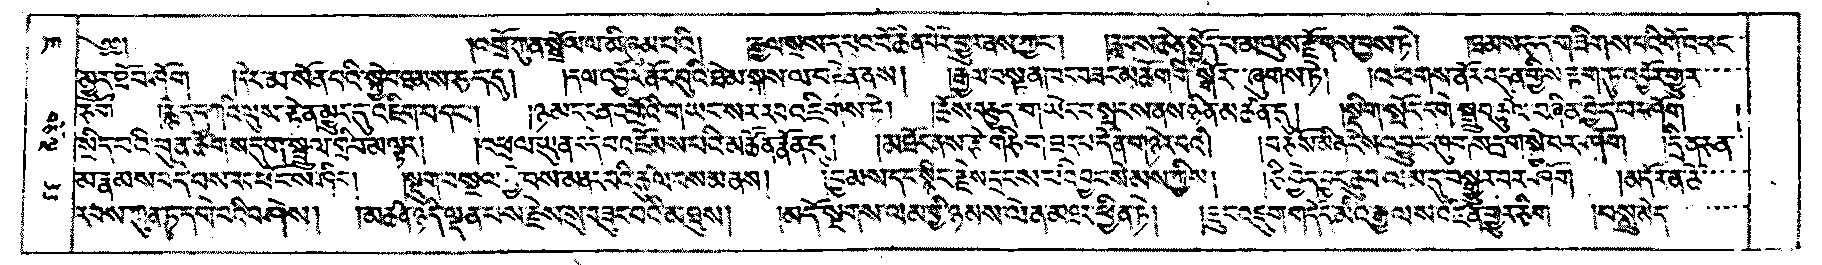༄༅། །འགྲོ་ཀུན་སྒྲོལ་ལ་མི་ཞུམ་པའི། །རྒྱལ་སྲས་དཔའ་བོ་ཆེན་པོར་གྱུར་ནས་ཀྱང་། །རླབས་ཆེན་སྤྱོད་པ་མ་ལུས་རྫོགས་བྱས་ཏེ། །ཐམས་ཅད་གཟིགས་པའི་གོ་འཕང་
མྱུར་ཐོབ་ཤོག །དེར་མ་སོན་པའི་སྐྱེ་བ་ཐམས་ཅད་དུ། །དལ་འབྱོར་ནོར་བུའི་ཐེམ་སྐས་ལ་བརྟེན་ནས། །རྒྱལ་བསྟན་ཁང་བཟང་མཆོག་གི་སྒོར་ཞུགས་ཏེ། །འཕགས་ནོར་བདུན་གྱིས་རྟག་ཏུ་འབྱོར་གྱུར་
ཅིག །རྙེད་དཀའི་ལུས་རྟེན་མྱུར་དུ་འཇིག་པ་དང་། །ཉམ་ང་ངན་འགྲོའི་གཡང་སར་རབ་འཇིགས་ཏེ། །ཆོས་བརྒྱད་གཡེང་བ་སྤངས་ནས་ཉིན་མཚན་དུ། །སྡིག་སྤོང་དགེ་སྒྲུབ་ཚུལ་བཞིན་བྱེད་པར་ཤོག །
སྲིད་པའི་ཕུན་ཚོགས་དུག་སྦྲུལ་གྲིབ་མ་ལྟར། །འཕྲལ་ཡུན་བདེ་བ་འཇོམས་པའི་མཚོན་རྣོན་དུ། །མཐོང་ནས་རྩེ་གཅིག་ཐར་པ་དོན་གཉེར་བའི། །བཅོས་མིན་ངེས་འབྱུང་ཤུགས་དྲག་སྐྱེ་བར་ཤོག །དྲིན་ཅན་
མ་རྣམས་བདེ་བས་རབ་ཕོངས་ཤིང་། །སྡུག་བསྔལ་བྱེ་བས་མནར་བའི་ཚུལ་བསམ་ནས། །བྱམས་དང་སྙིང་རྗེས་དྲངས་པའི་བྱང་སེམས་ཀྱིས། །ཅི་བྱེད་བྱང་ཆུབ་ལམ་དུ་བསྒྱུར་བར་ཤོག །མདོར་ན་ཚེ་
རབས་ཀུན་ཏུ་དགེ་བའི་བཤེས། །མཚན་ཉིད་ལྡན་པས་རྗེས་སུ་བཟུང་བའི་མཐུས། །མདོ་སྔགས་ལམ་གྱི་ཉམས་ལེན་མཐར་ཕྱིན་ཏེ། །ཟུང་འཇུག་གདོད་མའི་རྒྱལ་ས་འཛིན་གྱུར་ཅིག །བསླུ་མེད་